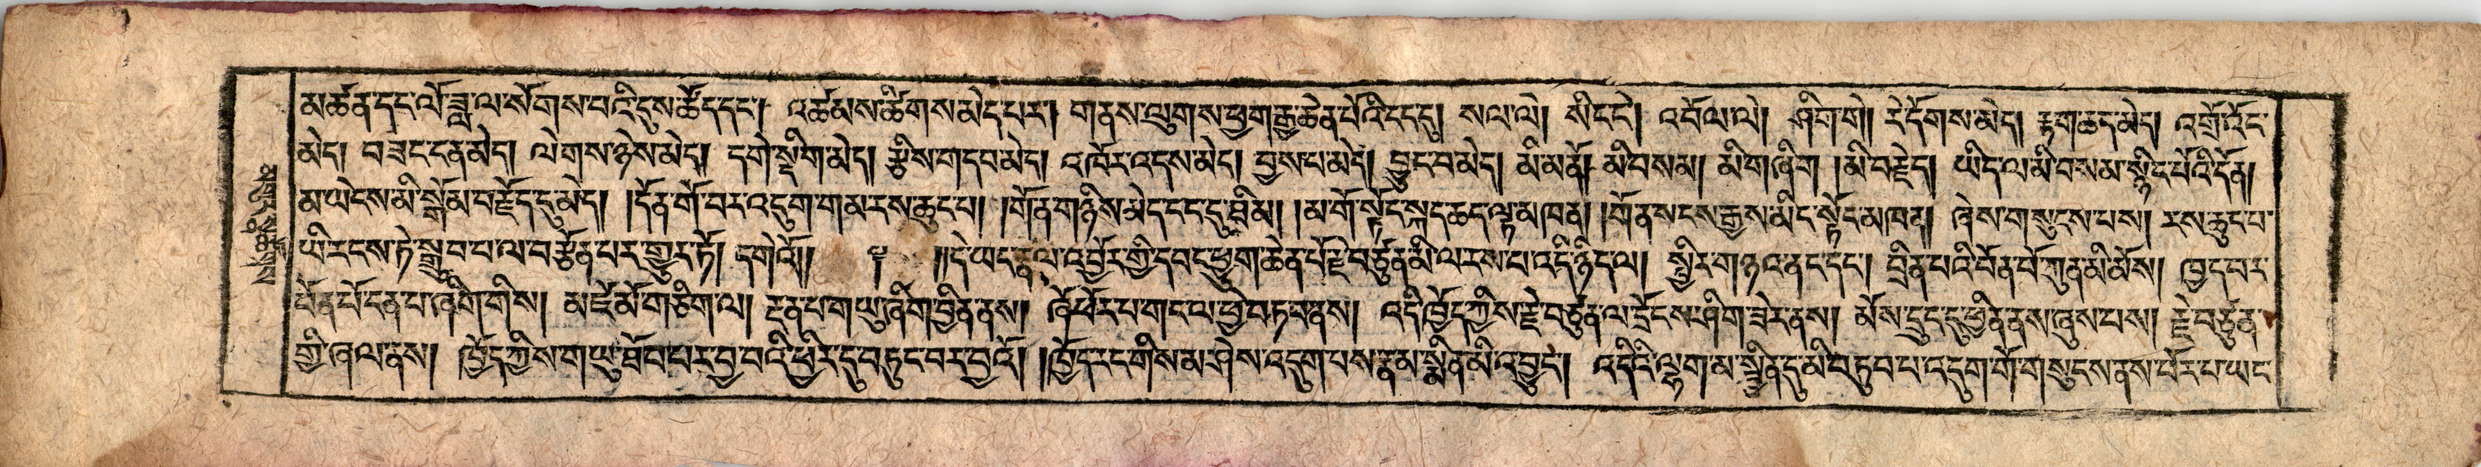མཚན་དང་ལོ་ཟླ་ལ་སོགས་པའི་དུས་ཚོད་དང་། འཚམས་ཚིགས་མེད་པར་། གནས་ལུག་ས་ཕྱག་རྒྱ་ཆེན་པོའི་ང་དདུ། སལ་ལེ། སིང་ངེ་། འབོལ་ལེ། ཤིག་གེ། རེ་དོགས་མེད། རྟག་ཆད་མེད། འགྲོ་འོང་
མེད། བཟང་ངན་མེད། ལེགས་ཉེས་མེད། དགེ་སྡིག་མེད། རྩིས་གདབ་མེད། འཁོར་འདས་མེད། བྱས་པ་མེད། བྱུང་བ་མེད། མི་མནོ། མབསམ། མི་གཞིག །མི་བརྗེད། ཡིད་ལ་མི་བསམ་སྙིང་པོའི་དོན། 
མ་ཡེངས་མི་སྒོམ་བརྗོད་དུ་མེད། །དོན་གོ་བར་འདུག་གམ་རས་ཆུང་པ། །གོ་ན་གཉིས་མེད་ངང་དུ་ཐིམ། །མ་གོ་སྟོང་སྐད་ཆད་ལྟ་མཁན། །གོ་ན་སངས་རྒྱས་མིང་སྟོང་མཁན། ཞེས་གསུངས་པས། རས་ཆུང་པ་
ཡི་རངས་ཏེ་སྒྲུབ་པ་ལ་བརྩོན་པར་གྱུར་ཏོ། དགེའོ།། ༈ །།དེ་ཡང་རྣལ་འབྱོར་གྱི་དབང་ཕྱུག་ཆེན་པོ་རྗེ་བཙུན་མི་ལ་རས་པ་འདི་ཉིད་ལ། སྤྱིར་གཉའ་ནང་དང་། བྲིན་པའི་བོན་བོ་ཀུན་མི་མོས། ཁྱད་པར་
བོན་པོ་ངན་པ་ཞིག་གིས། མཛེ་མོ་གཅིག་ལ། རྔན་པ་གཡུ་ཞིག་བྱིན་ནས། ཞོ་ཕོར་པ་གང་ལ་ཕྱེ་བཏབ་ནས། འདི་ཁྱོད་ཀྱིས་རྗེ་བཙུན་ལ་དྲོངས་ཤིག་ཟེར་ནས། མོས་དྲུང་དུ་ཕྱིན་ནས་ཞུས་པས། རྗེ་བཙུན་
གྱི་ཞལ་ནས། ཁྱོད་ཀྱིས་གཡུ་ཐོབ་པར་བྱ་བའི་ཕྱིར་དུ་བཏུང་བར་བྱའོ། །ཁྱོད་རང་གིས་མ་ཤེས་འདུག་པས་རྣམ་སྨིན་མི་འབྱུང་། འདིའི་ལྷག་མ་སྦྱིན་དུ་མ་བཏུབ་པ་འདུག་གོ་གསུངས་ནས་ཕོར་པ་ཡང་